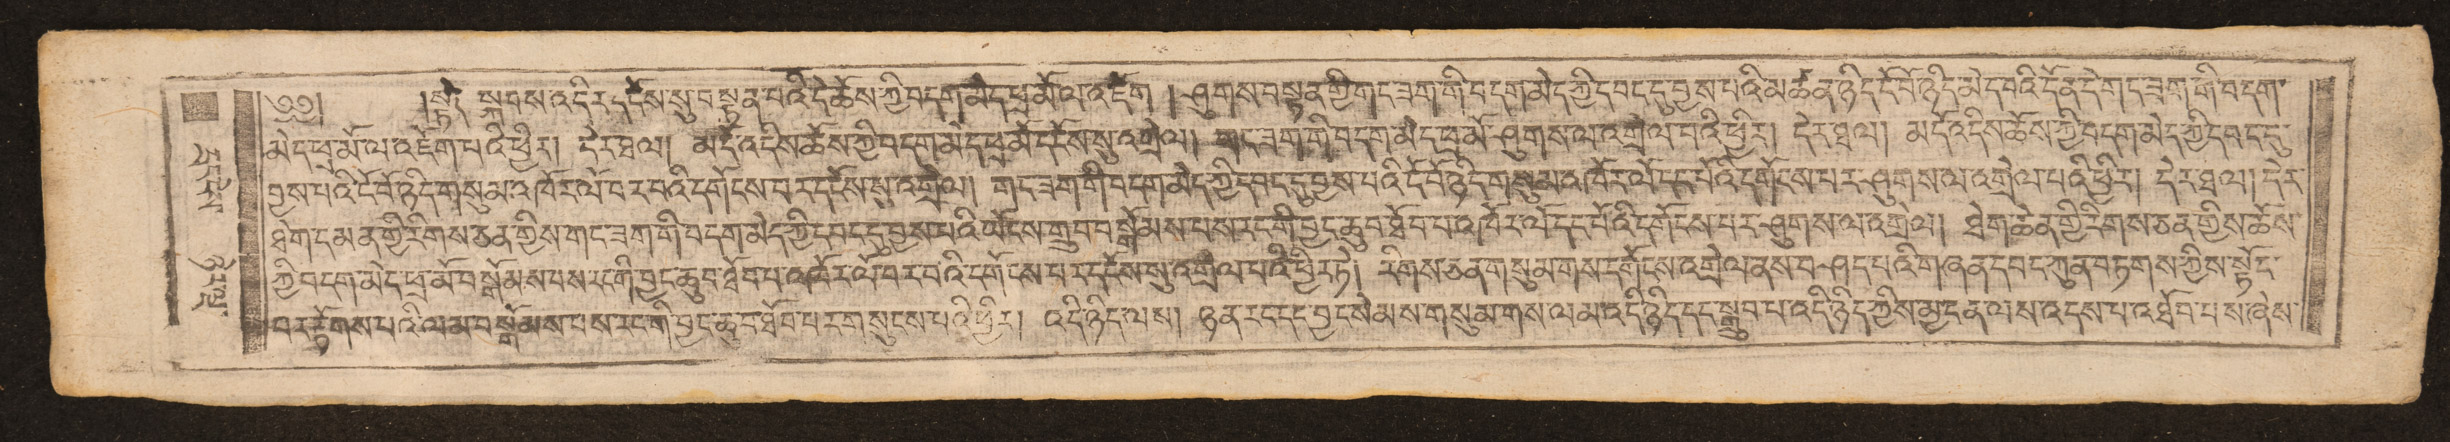༄༅། །སྟེ༑ སྐབས་འདིར་དངོས་སུ་བསྟན་པའི་དེ་ཆོས་ཀྱི་བདག་མེད་ཕྲ་མོ་ལ་འཇོག །ཤུགས་བསྟན་གྱི་གང་ཟག་གི་བདག་མེད་ཀྱི་དབང་དུ་བྱས་པའི་མཚན་ཉིད་ངོ་བོ་ཉིད་མེད་པའི་དོན་དེ་གང་ཟག་གི་བདག་
མེད་ཕྲ་མོ་ལ་འཇོག་པའི་ཕྱིར། དེར་ཐལ། མདོ་འདིས་ཆོས་ཀྱི་བདག་མེད་ཕྲ་མོ་དངོས་སུ་འགྲེལ། གང་ཟག་གི་བདག་མེད་ཕྲ་མོ་ཤུགས་ལ་འགྲེལ་བའི་ཕྱིར། དེར་ཐལ། མདོ་འདིས་ཆོས་ཀྱི་བདག་མེད་ཀྱི་དབང་དུ་
བྱས་པའི་ངོ་བོ་ཉིད་གསུམ་འཁོར་ལོ་བར་བའི་དགོངས་པར་དངོས་སུ་འགྲེལ། གང་ཟག་གི་བདག་མེད་ཀྱི་དབང་དུ་བྱས་པའི་ངོ་བོ་ཉིད་གསུམ་འཁོར་ལོ་དང་པོའི་དགོངས་པར་ཤུགས་ལ་འགྲེལ་བའི་ཕྱིར། དེར་ཐལ། དེར་
ཐེག་དམན་གྱི་རིགས་ཅན་གྱིས་གང་ཟག་གི་བདག་མེད་ཀྱི་དབང་དུ་བྱས་པའི་ཡོངས་གྲུབ་བསྒོམས་པས་རང་གི་བྱང་ཆུབ་ཐོབ་པ་འཁོར་ལོ་དང་པོའི་དགོངས་པར་ཤུགས་ལ་འགྲེལ། ཐེག་ཆེན་གྱི་རིགས་ཅན་གྱིས་ཆོས་
ཀྱི་བདག་མེད་ཕྲ་མོ་བསྒོམས་པས་རང་གི་བྱང་ཆུབ་ཐོབ་པ་འཁོར་ལོ་བར་བའི་དགོངས་པར་དངོས་སུ་འགྲེལ་པའི་ཕྱིར་ཏེ། རིགས་ཅན་གསུམ་གས་དགོངས་འགྲེལ་ནས་བཤད་པའི་གཞན་དབང་ཀུན་བཏགས་ཀྱིས་སྟོང་
པར་རྟོགས་པའི་ལམ་བསྒོམས་པས་རང་གི་བྱང་ཆུབ་ཐོབ་པར་གསུངས་པའི་ཕྱིར། འདི་ཉིད་ལས། ཉན་རང་དང་བྱང་སེམས་གསུམ་གས་ལམ་འདི་ཉིད་དང་སྒྲུབ་པ་འདི་ཉིད་ཀྱིས་མྱ་ངན་ལས་འདས་པ་འཐོབ་པས་ཞེས་